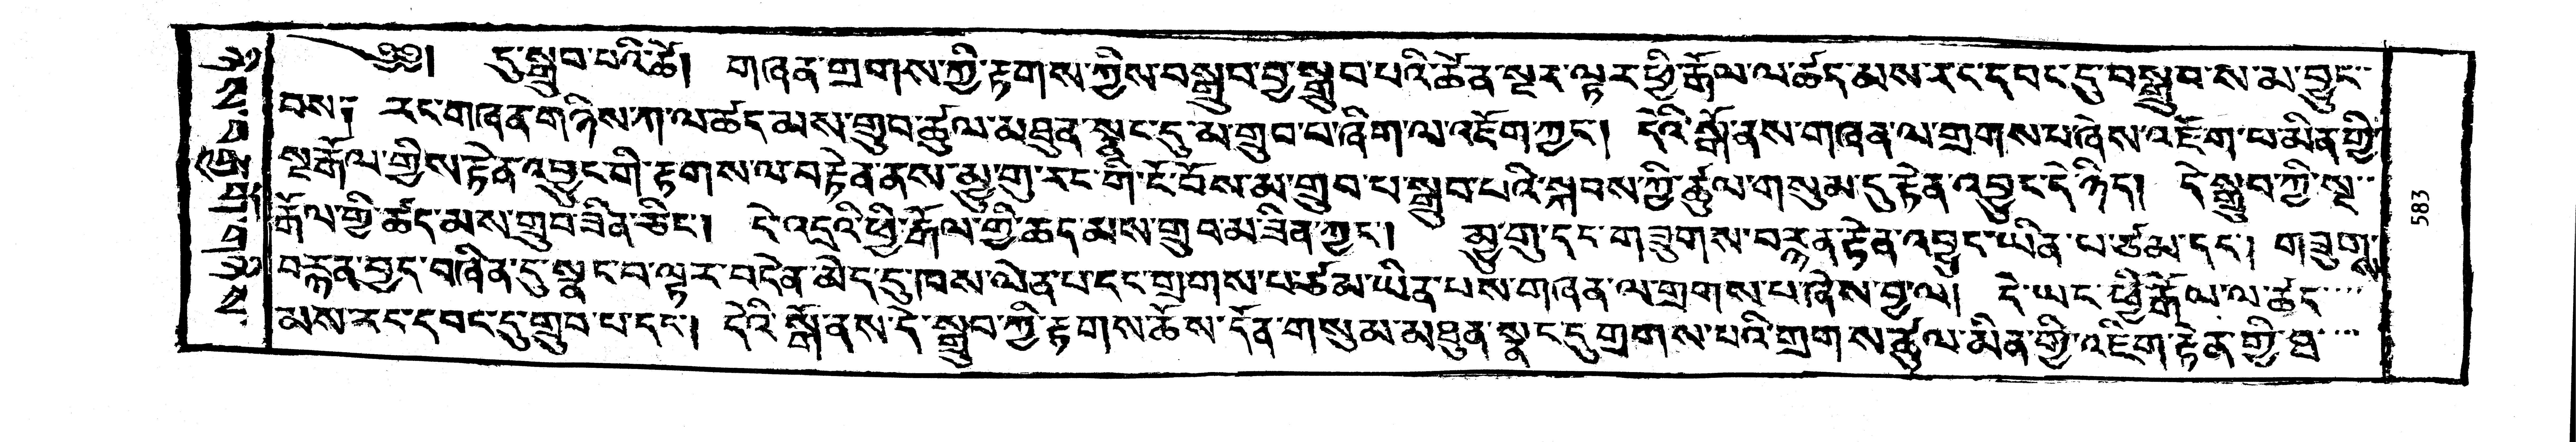༄༅། །དུ་སྒྲུབ་པའི་ཚེ། གཞན་གྲགས་ཀྱི་རྟགས་ཀྱིས་བསྒྲུབ་བྱ་སྒྲུབ་པའི་ཚེ་ན་སྔར་ལྟར་ཕྱི་རྒོལ་ལ་ཚད་མས་རང་དབང་དུ་བསྒྲུབ་ས་མ་བྱུང་
བས༑ རང་གཞན་གཉིས་ཀ་ལ་ཚད་མས་གྲུབ་ཚུལ་མཐུན་སྣང་དུ་མ་གྲུབ་པ་ཞིག་ལ་འཇོག་ཀྱང་། དེའི་སྒོ་ནས་གཞན་ལ་གྲགས་པ་ཞེས་འཇོག་པ་མིན་གྱི་
སྔ་རྒོལ་གྱིས་རྟེན་འབྱུང་གི་རྟགས་ལ་བརྟེན་ནས་མྱུ་གུ་རང་གི་ངོ་བོས་མ་གྲུབ་པ་སྒྲུབ་པའི་སྐབས་ཀྱི་ཚུལ་གསུམ་དུ་རྟེན་འབྱུང་དེ་ཉིད། དེ་སྒྲུབ་ཀྱི་སྔ་
རྒོལ་གྱི་ཚད་མས་གྲུབ་ཟིན་ཅིང་། དེ་འདྲའི་ཕྱི་རྒོལ་གྱི་ཆད་མས་གྲུབ་མ་ཟིན་ཀྱང་། མྱུ་གུ་དང་གཟུགས་བརྙན་རྟེན་འབྱུང་ཡིན་པ་ཙམ་དང་། གཟུགས་
བརྙན་བྱད་བཞིན་དུ་སྣང་བ་ལྟར་བདེན་མེད་དུ་ཁས་ལེན་པ་དང་གྲགས་པ་ཙམ་ཡིན་པས་གཞན་ལ་གྲགས་པ་ཞེས་བྱ་ལ། དེ་ཡང་ཕྱི་རྒོལ་ལ་ཚད་
མས་རང་དབང་དུ་གྲུབ་པ་དང་། དེའི་སྒོ་ནས་དེ་སྒྲུབ་ཀྱི་རྟགས་ཆོས་དོན་གསུམ་མཐུན་སྣང་དུ་གྲགས་པའི་གྲགས་ཚུལ་མིན་གྱི་འཇིག་རྟེན་གྱི་ཐ་